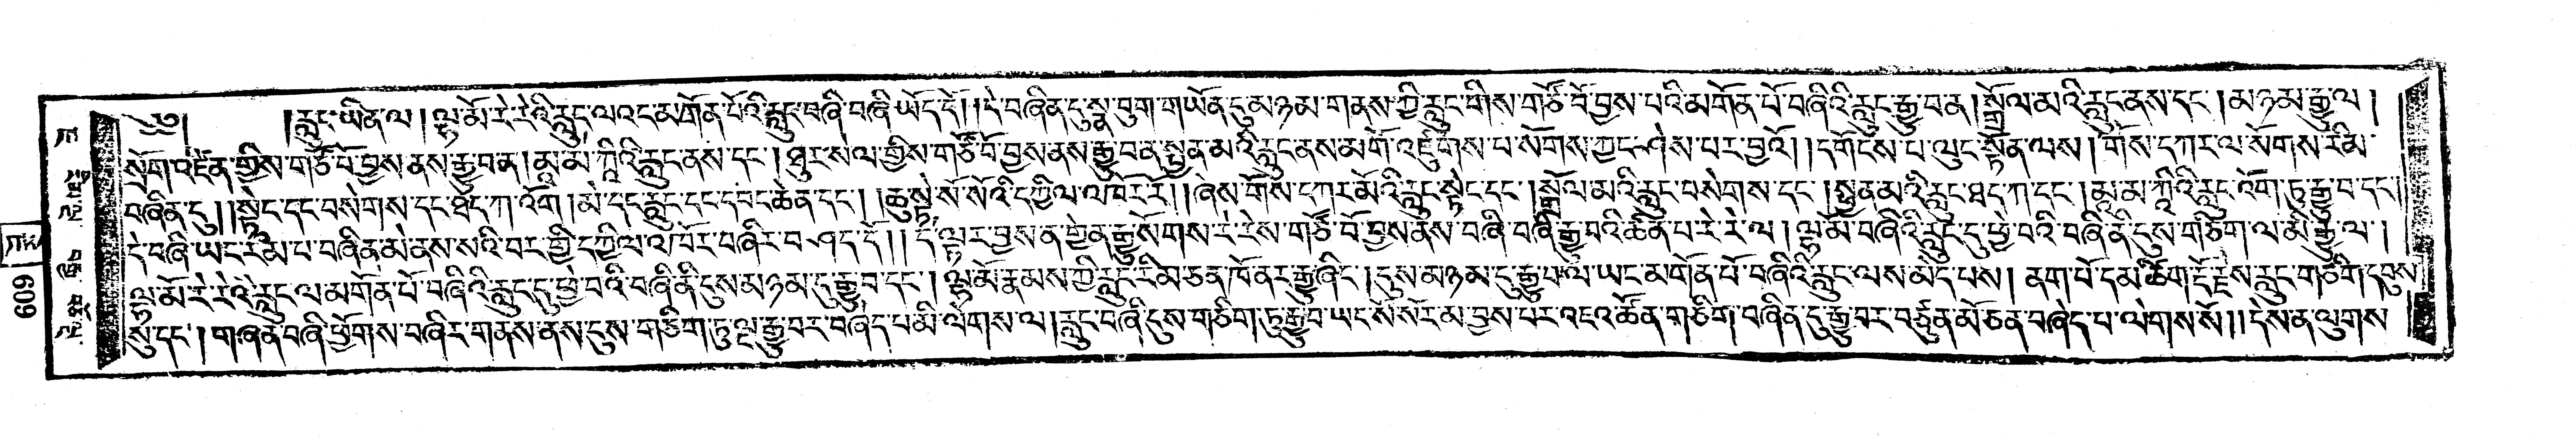༄༅། །རླུང་ཡིན་ལ། ལྷ་མོ་རེ་རེའི་རླུང་ལའང་མགོན་པོའི་རླུང་བཞི་བཞི་ཡོད་དོ། །དེ་བཞིན་དུ་སྣ་བུག་གཡོན་དུ་མཉམ་གནས་ཀྱི་རླུང་གིས་གཙོ་བོ་བྱས་པའི་མགོན་པོ་བཞིའི་རླུང་རྒྱུ་བ་ན། སྒྲོལ་མའི་རླུང་ནས་དང་། མཉམ་རྒྱུ་ལ།
སྲོག་འཛིན་གྱིས་གཙོ་བོ་བྱས་ནས་རྒྱུ་བ་ན། མཱ་མ་ཀཱིའི་རླུང་ནས་དང་། ཐུར་སེལ་གྱིས་གཙོ་བོ་བྱས་ནས་རྒྱུ་བ་ན་སྤྱན་མའི་རླུང་ནས་མགོ་འཛུགས་པ་སོགས་ཀྱང་ཤེས་པར་བྱའོ། །དགོངས་པ་ལུང་སྟོན་ལས། གོས་དཀར་ལ་སོགས་རིམ་
བཞིན་དུ། །སྟེང་དང་བསྲེགས་དང་ཐད་ཀ་འོག །མེ་དང་རླུང་དང་དབང་ཆེན་དང་། །ཆུ་སྟེ་སོ་སོའི་དཀྱིལ་འཁོར་རོ། །ཞེས་གོས་དཀར་མོའི་རླུང་སྟེང་དང་།སྒྲོལ་མའི་རླུང་བསེགས་དང་། སྤྱན་མའི་རླུང་ཐད་ཀ་དང་། མཱ་མ་ཀཱིའི་རླུང་འོག་ཏུ་རྒྱུ་བ་དང་།
དེ་བཞི་ཡང་རིམ་པ་བཞིན་མེ་ནས་སའི་བར་གྱི་དཀྱིལ་འཁོར་བཞིར་བཤད་དོ། །དེ་ལྟར་བྱས་ན་གྱེན་རྒྱུ་སོགས་རེ་རེས་གཙོ་བོ་བྱས་ནས་བཞི་བཞི་རྒྱུ་བའི་ཚན་པ་རེ་རེ་ལ། ལྷ་མོ་བཞིའི་རླུང་དུ་ཕྱེ་བའི་བཞི་ནི་དུས་གཅིག་ལ་མི་རྒྱུ་ལ།
ལྷ་མོ་རེ་རེའི་རླུང་ལ་མགོན་པོ་བཞིའི་རླུང་དུ་ཕྱེ་བའི་བཞི་ནི་དུས་མཉམ་དུ་རྒྱུ་བ་དང་། ལྷ་མོ་རྣམས་ཀྱི་རླུང་རིམ་ཅན་ཁོ་ནར་རྒྱུ་ཞིང་། དུས་མཉམ་དུ་རྒྱུ་བ་ལ་ཡང་མགོན་པོ་བཞིའི་རླུང་ལས་མེད་པས། ནག་པོ་དམ་ཚིག་རྡོ་རྗེས་རླུང་གཅིག་དབུས་
སུ་དང་། གཞན་བཞི་ཕྱོགས་བཞིར་གནས་ནས་དུས་གཅིག་ཏུ་ལྔ་རྒྱུ་བར་བཞེད་པ་མི་ལེགས་ལ། རླུང་བཞི་དུས་གཅིག་ཏུ་རྒྱུ་བ་ཡང་སོ་སོར་མ་བྱས་པར་འཇའ་ཚོན་གཅིག་བཞིན་དུ་རྒྱུ་བར་བཙུན་མོ་ཅན་བཞེད་པ་ལེགས་སོ། །དེས་ན་ལུགས་